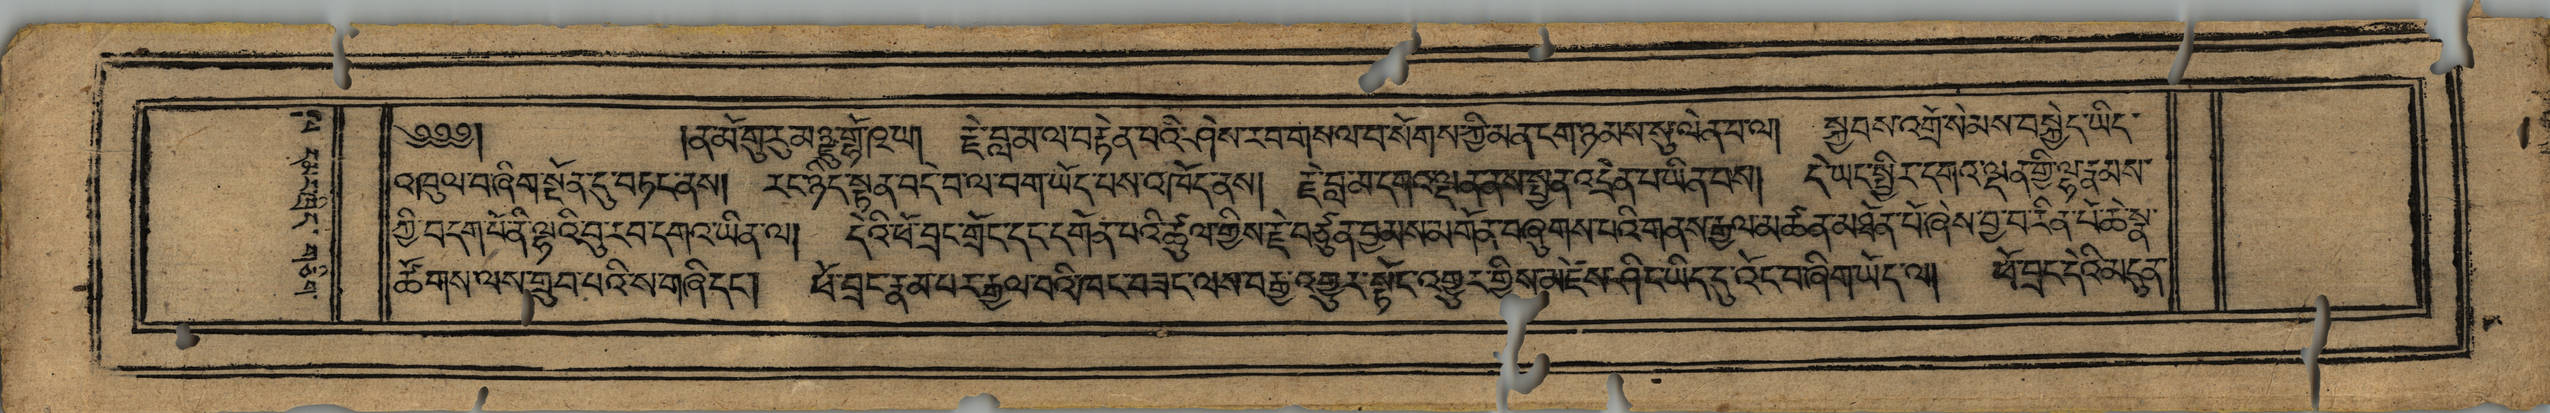༄༅༅། །ན་མོ་གུ་རུ་མཉྫུ་གྷོ་ཥ་ཡ། རྗེ་བླ་མ་ལ་བརྟེན་པའི་ཤེས་རབ་གསལ་པ་སོགས་ཀྱི་མན་ངག་ཉམས་སུ་ལེན་པ་ལ། སྐྱབས་འགྲོ་སེམས་བསྐྱེད་ཡིད་
འཁུལ་བ་ཞིག་སྔོན་དུ་བཏང་ནས། རང་ཉིད་སྟན་བདེ་པ་ལ་བག་ཡོད་པས་འཁོད་ནས། རྗེ་བླ་མ་དགའ་ལྡན་ནས་སྤྱན་འདྲེན་པ་ཡིན་བས། དེ་ཡང་སྤྱིར་དགའ་ལྡན་གྱི་ལྷ་རྣམས་
ཀྱི་བདག་པོ་ནི་ལྷའི་བུ་རབ་དགའ་ཡིན་ལ། དེའི་ཕོ་བྲང་གྲོང་དང་དགོན་པའི་ཚུལ་གྱིས་རྗེ་བཙུན་བྱམས་མགོན་བཞུགས་པའི་གནས་རྒྱལ་མཚན་མཐོན་པོ་ཞེས་བྱ་བ་རིན་པོ་ཆེ་སྣ་
ཚོགས་ལས་གྲུབ་པའི་ས་གཞི་དང་། ཕོ་བྲང་རྣམ་པར་རྒྱལ་བའི་ཁང་བཟང་ལས་བརྒྱ་འགྱུར་སྟོང་འགྱུར་གྱིས་མཛེས་ཤིང་ཡིད་དུ་འོང་བ་ཞིག་ཡོད་ལ། ཕོ་བྲང་དེའི་མདུན་